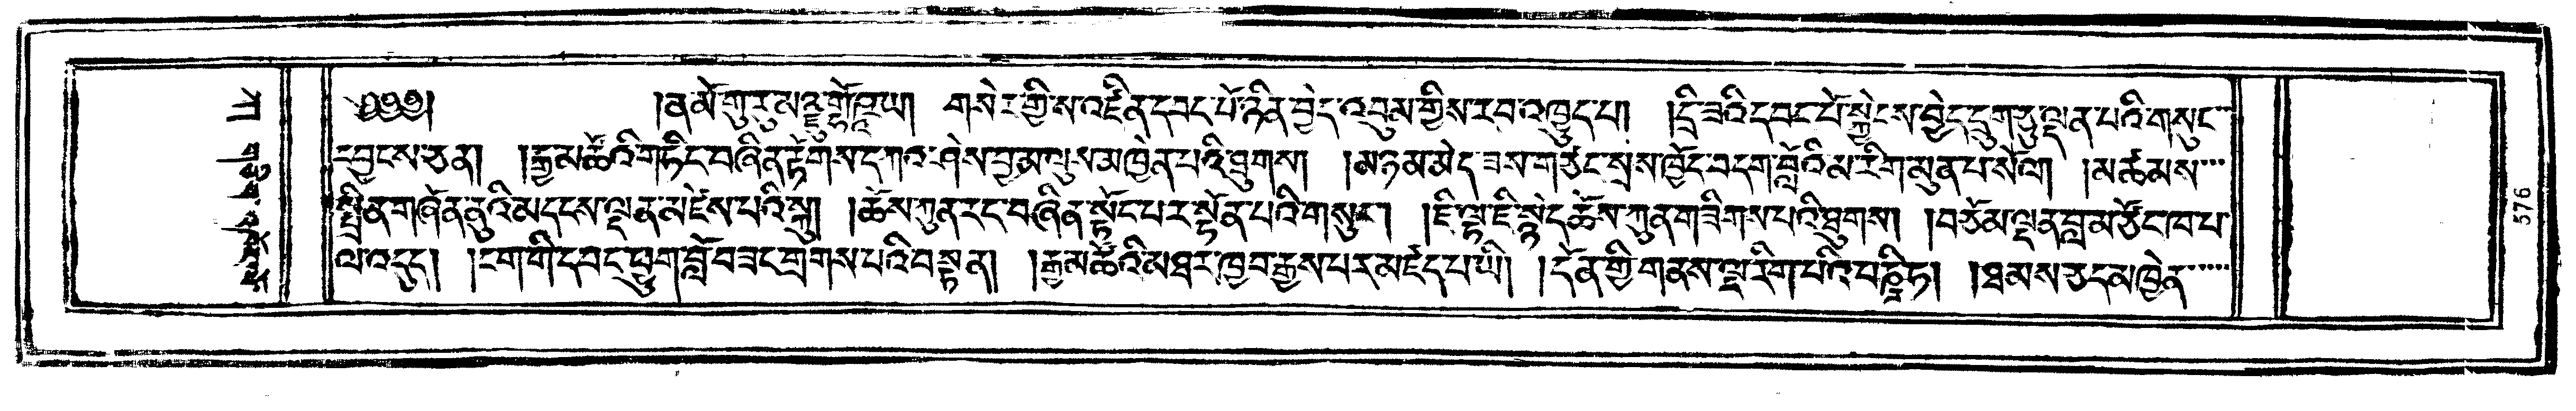༄༅༅། །ན་མོ་གུ་རུ་མཉྫུ་གྷོཥཱ་ཡ། གསེར་གྱིས་འཛིན་དབང་པོ་ཉིན་བྱེད་འབུམ་གྱིས་རབ་འཁྱུད་པ། །དྲི་ཟའི་དབང་པོ་སྐྱེངས་བྱེད་དྲུག་ཅུ་ལྡན་པའི་གསུང་
དབྱངས་ཅན། །རྒྱ་མཚོའི་གཏིང་བཞིན་རྟོགས་དཀའ་ཤེས་བྱ་མ་ལུས་མཁྱེན་པའི་ཐུགས། །མཉམ་མེད་ཟས་གཙང་སྲས་ཁྱོད་བདག་བློའི་མ་རིག་མུན་པ་སོལ། །མཚམས་
སྤྲིན་གཞོན་ནུའི་མདངས་ལྡན་མཛེས་པའི་སྐུ། །ཆོས་ཀུན་རང་བཞིན་སྟོང་པར་སྟོན་པའི་གསུང་། །ཇི་ལྟ་ཇི་སྙེད་ཆོས་ཀུན་གཟིགས་པའི་ཐུགས། །བཅོམ་ལྡན་བླ་མ་ཙོང་ཁ་པ་
ལ་འདུད། །ངག་གི་དབང་ཕྱུག་བློ་བཟང་གྲགས་པའི་བསྟན། །རྒྱ་མཚའི་མཐར་ཁྱབ་རྒྱས་པར་མཛད་པ་ཡི། །དོན་གྱི་གནས་ལྔ་རིག་པའི་པཎྜི་ཏ། །ཐམས་ཅད་མཁྱེན་